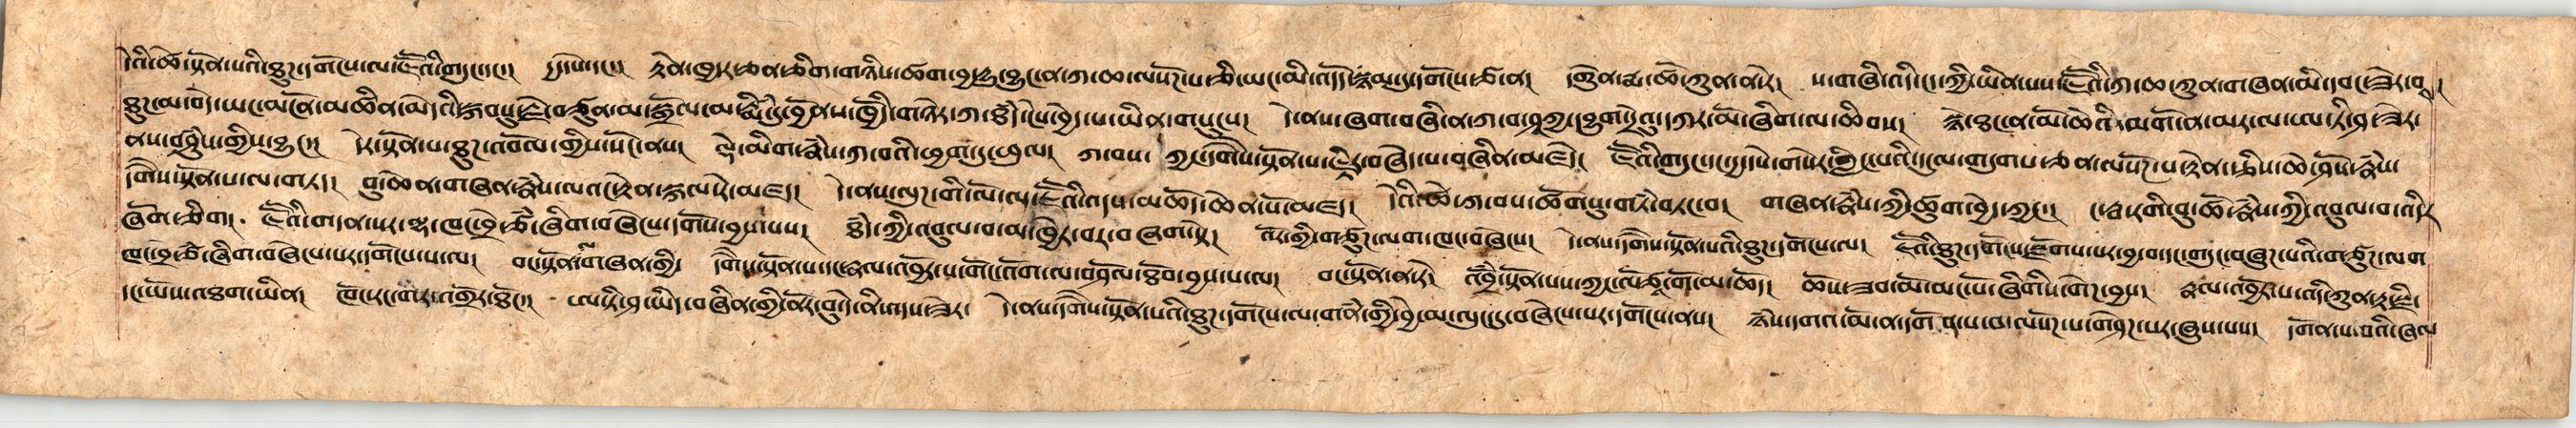དེའི་ཚེ་སྟོན་པའི་ཐུཌ་དགོངས་ལ་ཇཽའི་གདུང་དང་། དྱ་དཔེ་དང་། རྟེན་ཁྱདར་ཅན་ཅིག་གཉིས་ཚག་བྱ་དྱུ་བྱུང་ན་ཀ་ཆ་ལསོཌ་པ་ཅི་ཡང་མི་འདོད་སྙམ་དུ་དགོངས་ཙ་ན། དགེུན་རྨ་ཚོ་ཀུན་ན་རེ། ས་གཞི་འདི་ངད་ཀྱི་ཡིན་པས་ཇཽའི་ཀ་ཆ་ཀུན་གཞན་མི་དབང་ཟེར་བས།
ཐུཌ་མ་བདེ་ཡང་མངོན་མཚིན་མེདའི་སྐབསུ་རྗེ་བཙུན་མ་སྒྲོལ་མ་རྨིཾ་དུ་བྱོནས་ཁྱོདི་གཉེར་ཀ་ཐཾད་ངེས་བྱེད་པ་ཡིན་གསུངས། དེ་ནས་ཞག་བཞི་ན་ཀ་བ་ཤཱཀྱ་དབྱུག་དྲེའུ་དཀར་མོ་ཞིག་ལ་ཆིབས། སྙེ་ཐང་ན་མོ་ཆེའི་མགོ་ན་མར་ལ་ཨ་ཏི་ཤ་ཟེར་
ནས་བཤུཾས་གྱིས་བྱུང་། དེར་སྟོན་པ་ཐུཌ་འབོལ་གྱིས་སོང་ནས། ལྡེ་མིག་རྣཾས་ཀ་བའི་ཕྱག་དུ་ཕུལ། ཀ་བས་ཀྱང་དགཻས་སྟོན་པ་ཇྟིར་བཞེད་པ་བཞིན་མཛདེ། ཇཽའི་གདུང་དང་དྱ་དཔེ་གསེར་གླིང་པའི་དངུལ་གདུགས་ཅན་ལསོཌ་པ་རྟེན་རྩིས་ཆེ་ཤོས་རྣཾས་
དགཻས་སྟོན་པ་ལ་གཏད། བུ་ཆེན་གཞན་རྣཾས་ལའང་རྟེན་སྐལ་རེ་མཛད། དེ་ནས་ལུཌ་གི་ལོ་ལ་ཇཽའི་འདས་མཆོད་ཆེན་པོ་མཛད། དེའི་ཚེ་ཀ་བས་ཚོགསུ་གཏཾ་བཏང་བ། གཞན་རྣཾས་ཀྱི་ཚུག་བྱེད་ཀྱང་། ང་རྦ་རགི་བུ་ཚོ་རྣཾས་ཀྱི་འབུལ་བ་འདིར
ཞོག་ཅིག། ཇཽའི་གདན་སར་ལྷ་ཁང་བྲེ་ཙཾ་ཞིག་བཞེང་དགོས་བྱས་པས། ཐཾད་ཀྱི་འབུལ་བ་མ་ཁྱེར་བར་བཞག་སྟེ། འོར་གྱི་གཙུཌ་ལག་ཁང་བཞེངས། དེ་ནས་དགཻས་སྟོན་པའི་ཐུཌ་དགོངས་ལ། ཇཽའི་ཐུཌ་དགོངས་སྫོགས་པར་བྱ་བ་དང་གདུང་བཞུཌ་པའི་གཙུཌ་ལག
ཁང་བྲ་ཙཾ་ཞིག་བཞེངས་པར་དགོངས་པ་ལ། བང་སྟོན་ལ་གཞན་གྱིས། དགཻས་སྟོན་པ་དང་རྣལ་འབྱོར་པ་གོང་འོག་ལ་བཤོལ་ཐོབ་བྱས་པ་ལ། བང་སྟོན་ན་རེ། འབྲོཾ་སྟོན་པས་ཀྱང་ལོཙཱ་གོ་མ་ཆོད། ཆོས་ཟབ་མོ་མང་པོ་ཞིགི་གེཌ་བྱས། རྣལ་འབྱོར་པ་འདི་ཀུན་རྟ་སྫི་
དང་ཡོས་འཐག་ཡིན། ཁོང་རང་གར་འགྲོར་ཐོང་། ཨ་ཏི་ཤ་ཡིད་བཞིན་གྱི་ནོར་བུ་དེ་ནི་འདས་ཟེར། དེ་ནས་དགཻས་སྟོན་པའི་ཐུཌ་དགོངས་ལ་གནཾ་གྱི་བྱེ་མ་ལུང་དུ་བཞེངས་པར་དགོངས་ནས། ཉཾས་དགའ་མོ་ན་དགོན་པ་བ་ལསོཌ་པ་གཤེཌ་པར་ཞུས་པས། དགོན་པ་བའི་ཞལ